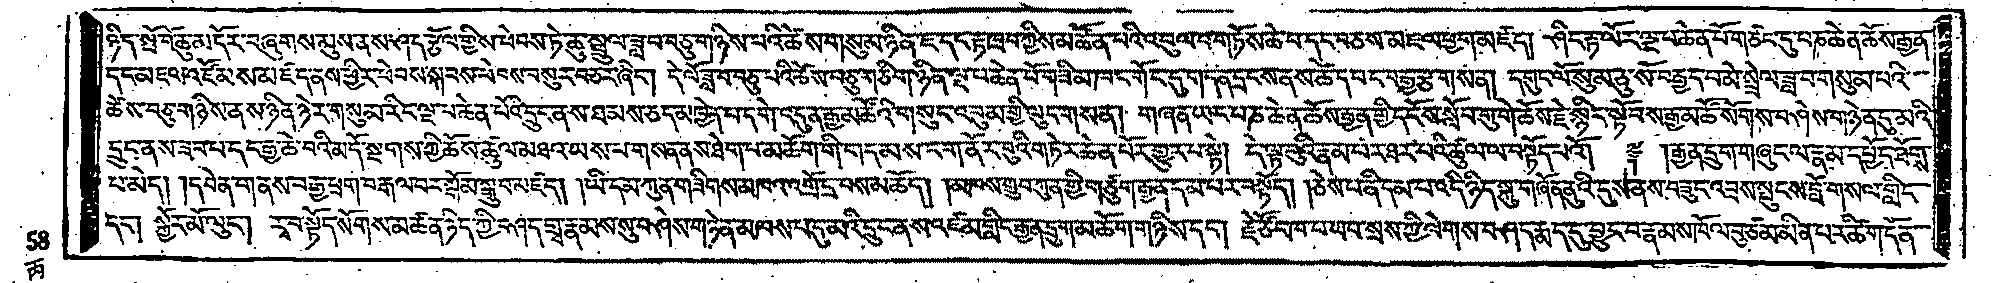ཉིད་སྤོ་བོ་ཆུ་མདོར་བཞུགས་མུས་ནས་ཤད་རྩོལ་གྱིས་ཕེབས་ཏེ་ཆུ་སྤྲུལ་ཟླ་བ་བཅུ་གཉིས་པའི་ཚེས་གསུམ་ཉིན་ཇ་དང་རྟ་ཁྲབ་ཀྱིས་མཚོན་པའི་འབུལ་བ་གཏོས་ཆེ་བ་དང་བཅས་མཇལ་ཕྱག་མཛད། ཤིང་རྟ་ལོར་ལྔ་པ་ཆེན་པོ་གཙང་དུ་པཎ་ཆེན་ཆོས་རྒྱན་
དང་མཇལ་འཛོམས་མཛད་ནས་ཕྱིར་ཕེབས་སྐབས་ཕེབས་བསུར་བཅར་ཞིང་། དེ་ལོ་ཟླ་བ་བཅུ་པའི་ཚེས་བཅུ་གཅིག་ཉིན་ལྔ་པ་ཆེན་པོ་གཟིམ་ཁང་གོང་དུ་གདན་དྲངས་ནས་ཚེ་དབང་བརྒྱ་རྩ་གསན། དགུང་ལོ་སུམ་ཅུ་སོ་བརྒྱད་པ་མེ་སྤྲེལ་ཟླ་བ་གསུམ་པའི་
ཚེས་བཅུ་གཉིས་ནས་ཉིན་ཉེར་གསུམ་རིང་ལྔ་པ་ཆེན་པོའི་དྲུང་ནས་ཐམས་ཅད་མཁྱེན་པ་དགེ་འདུན་རྒྱ་མཚོའི་གསུང་འབུམ་གྱི་ལུང་གསན། གཞན་ཡང་པཎ་ཆེན་ཆོས་རྒྱན་གྱི་དངོས་སློབ་གུ་གེ་ཆོས་རྗེ་སྙིང་སྟོབས་རྒྱ་མཚོ་སོགས་བཤེས་གཉེན་དུ་མའི་
དྲུང་ནས་ཟབ་པ་དང་རྒྱ་ཆེ་བའི་མདོ་སྔགས་ཀྱི་ཆོས་ཚུལ་མཐའ་ཡས་པ་གསན་ནས་ཐེག་པ་མཆོག་གི་གདམས་ངག་ནོར་བུའི་གཏེར་ཆེན་པོར་གྱུར་པ་སྟེ། དེ་ལྟ་བུའི་རྣམ་པར་ཐར་པའི་ཚུལ་ལ་བསྟོད་པའོ། ༈ །རྒྱན་དྲུག་གཞུང་ལ་རྣམ་དཔྱོད་ཐོགས་
པ་མེད། །དབེན་གནས་བརྒྱ་ཕྲག་བརྒལ་བར་སྒོམ་སྒྲུབ་མཛད། །ཡི་དམ་ཀུན་གཟིགས་མཁའ་འགྲོ་དྲ་བས་མཆོད། །མཁས་གྲུབ་ཀུན་གྱི་གཙུག་རྒྱན་དམ་པར་བསྟོད། །ཅེས་པ་ནི་དམ་པ་འདི་ཉིད་སྐུ་གཞོན་ནུའི་དུས་ནས་བཟུང་འབྲས་སྤུངས་བློ་གསལ་གླིང་
དང་། སྐྱོར་མོ་ལུང་། རྭ་བསྟོད་སོགས་མཚན་ཉིད་ཀྱི་བཤད་གྲྭ་རྣམས་སུ་བཤེས་གཉེན་མཁས་པ་དུ་མའི་དྲུང་ནས་འཛམ་གླིང་རྒྱན་དྲུག་མཆོག་གཉིས་དང་། རྗེ་ཙོང་ཁ་པ་ཡབ་སྲས་ཀྱི་ལེགས་བཤད་རྨད་དུ་བྱུང་བ་རྣམས་ཁོལ་བུ་ཙམ་མིན་པར་ཚིག་དོན་